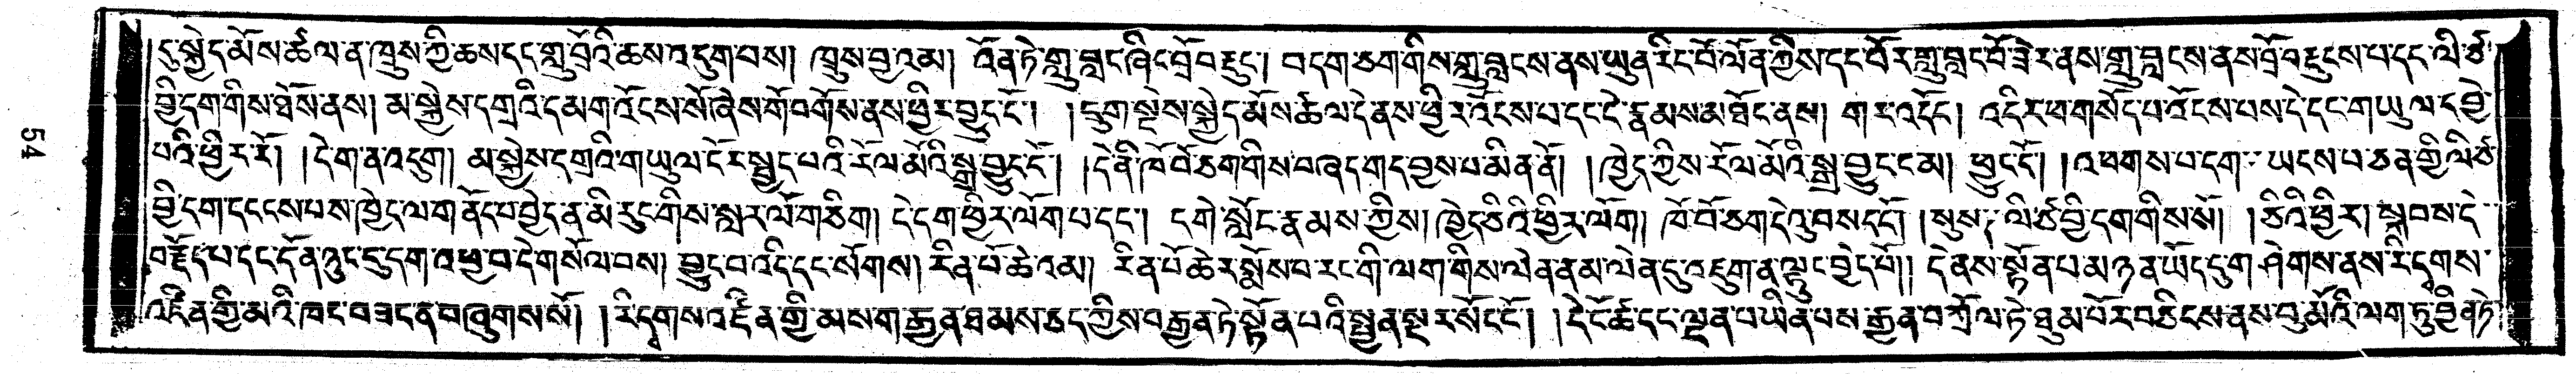དུ་སྐྱེད་མོས་ཚལ་ན་ཁྲུས་ཀྱི་ཆས་དང་གླུ་བྲོའི་ཆས་འདུག་པས། ཁྲུས་བྱའམ། འོན་ཏེ་གླུ་བླང་ཞིང་བྲོ་བརྡུང་། བདག་ཅག་གིས་གླུ་བླངས་ནས་ཡུན་རིང་བོ་ལོན་གྱིས་དང་པོར་གླུ་བླང་པོ་ཟེར་ནས་གླུ་བླངས་ནས་བྲོ་བརྡུངས་པ་དང་ལི་ཙ་
བྱི་དག་གིས་ཐོས་ནས། མ་སྐྱེས་དགྲའི་དམག་འོངས་སོ་ཞེས་གོ་བགོས་ནས་ཕྱིར་བྱུང་ངོ། །དྲུག་སྡེས་སྐྱེད་མོས་ཚལ་དེ་ནས་ཕྱིར་འོངས་པ་དང་དེ་རྣམས་མཐོང་ནས། གར་འདོད། འདིར་ཕ་གསོད་པ་འོངས་པས་དེ་དང་གཡུལ་དབྱེ་
པའི་ཕྱིར་རོ། །དེ་ག་ན་འདུག། མ་སྐྱེས་དགྲའི་གཡུལ་ངོར་སྤྱད་པའི་རོལ་མོའི་སྒྲ་བྱུང་ངོ། །དེ་ནི་ཁོ་བོ་ཅག་གིས་བཞད་གད་བྱས་པ་མིན་ནོ། །ཁྱེད་ཀྱིས་རོལ་མོའི་སྒྲ་བྱུང་ངམ། ཕྱུང་ངོ། །འཕགས་པ་དག༑ ཡངས་པ་ཅན་གྱི་ལི་ཙ་
བྱི་དག་དངངས་པས་ཁྱེད་ལ་གནོད་པ་བྱེད་ན་མི་རུང་གིས་སླར་ལོ་གཅིག། དེ་དག་ཕྱིར་ལོག་པ་དང་། དགེ་སློང་རྣམས་ཀྱིས། ཁྱེད་ཅིའི་ཕྱིར་ལོག། ཁོ་བོ་ཅག་དེའུ་བསད་དོ། །སུས༑ ལི་ཙ་བྱི་དག་གིས་སོ། །ཅིའི་ཕྱིར། སྐབས་དེ་
བརྗོད་པ་དང་དོན་ཉུང་དུ་དག་འཕྱ་བ་དེ་གསོལ་བས། བྱུང་བ་འདི་དང་སོགས། རིན་པོ་ཆེ་འམ། རིན་པོ་ཆེར་སྨོས་པ་རང་གི་ལག་གིས་ལེན་ནམ་ལེན་དུ་འཇུག་ན་ལྟུང་བྱེད་པོ། དེ་ནས་སྟོན་པ་མཉན་ཡོད་དུ་གཤེགས་ནས་རི་དྭགས་
འཛིན་གྱི་མའི་ཁང་བཟང་ན་བཞུགས་སོ། །རི་དྭགས་འཛིན་གྱི་མས་ག་རྒྱན་ཐམས་ཅད་ཀྱིས་བརྒྱན་ཏེ་སྟོན་པའི་སྤྱན་སྔར་སོང་ངོ། །དེ་ངོ་ཚ་དང་ལྡན་པ་ཡིན་པས་རྒྱན་བཀྲོལ་ཏེ་ཐུམ་པོར་བཅིངས་ནས་བུ་མོའི་ལག་ཏུ་བྱིན་ཏེ་